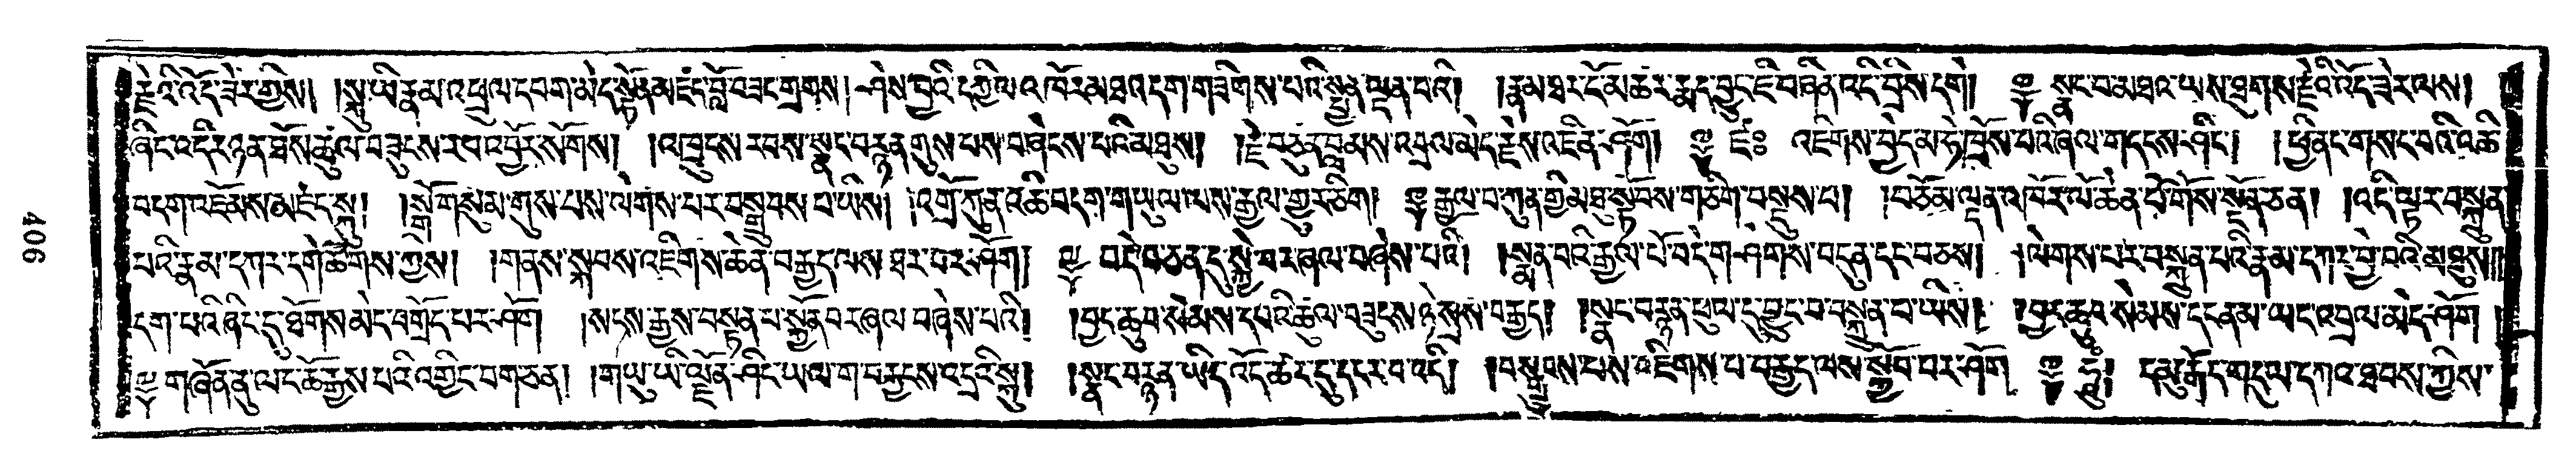རྗེའི་འོད་ཟེར་གྱིས། །སྐུ་ཡི་རྣམ་འཕྲུལ་དཔག་མེད་སྟོན་མཛད་བློ་བཟང་གྲགས། ཤེས་བྱའི་དཀྱིལ་འཁོར་མཐའ་དག་གཟིགས་པའི་སྤྱན་ལྡན་བའི། །རྣམ་ཐར་ངོ་མཚར་རྨད་བྱུང་ཇི་བཞིན་འདི་བྲིས་དགེ། ༈ སྣང་བ་མཐའ་ཡས་ཐུགས་རྗེའི་འོད་ཟེར་ལས།
ཞིང་འདིར་ཉན་ཐོས་ཚུལ་བཟུངས་རབ་འབྱོར་སོགས། །འཁྲུངས་རབས་སྣང་བརྙན་གུས་པས་བཞེངས་པའི་མཐུས། །རྗེ་བཙུན་བླ་མས་འབྲལ་མེད་རྗེས་འཛིན་ཤོག། ༈ ཛཿ འཇིགས་བྱེད་མ་ཧེ་ཁྲོས་པའི་ཞལ་གདངས་ཤིང་། །ཕྱི་ནང་གསང་བའི་འཆི་
བདག་འཇོམས་མཛད་སྐུ། །སྒོ་གསུམ་གུས་པས་ལེགས་པར་བསྒྲུབས་པ་ཡིས། །འགྲོ་ཀུན་འཆི་བདག་གཡུལ་ལས་རྒྱལ་གྱུར་ཅིག། ༈ རྒྱལ་བ་ཀུན་གྱི་མཐུ་སྟོབས་གཅིག་བསྡུས་པ། །བཅོམ་ལྡན་འཁོར་ལོ་ཆེན་པོ་གོས་སྔོན་ཅན། །འདི་ལྟར་བསྐྲུན་
པའི་རྣམ་དཀར་དགེ་ཚོགས་ཀྱིས། །གནས་སྐབས་འཇིགས་ཆེན་བརྒྱད་ལས་ཐར་བར་ཤོག། ༈ བདེ་བ་ཅན་དུ་སྐྱེ་བར་ཞལ་བཞེས་པའི། །སྨན་བའི་རྒྱལ་པོ་བདེ་གཤེགས་བདུན་དང་བཅས། །ལེགས་པར་བསྐྲུན་པའི་རྣམ་དཀར་བྱེ་བའི་མཐུས།།
དག་པའི་ཞིང་དུ་ཐོགས་མེད་བགྲོད་པར་ཤོག །སངས་རྒྱས་བསྟན་པ་སྐྱོན་བར་ཞལ་བཞེས་པའི། །བྱང་ཆུབ་སེམས་དཔའི་ཚུལ་བཟུངས་ཉེ་སྲས་བརྒྱད། །སྣང་བརྙན་ཕུལ་དུ་བྱུང་བ་བསྐྲུན་བ་ཡིས། །བྱང་ཆུབ་སེམས་དང་རྣམ་ཡང་འབྲལ་མེད་ཤོག།
༈ གཞོན་ནུ་ལང་ཆོ་རྒྱས་པའི་འགྱིང་བག་ཅན། །གཡུ་ཡི་ལྗོན་ཤིང་ཡལ་ག་བརྐྱངས་འདྲའི་སྐུ། །སྣང་བརྙན་ཡིད་འོད་ཚར་དུ་དངར་བ་འདི། །བསྒྲུབས་པས་འཇིགས་པ་བརྒྱད་ལས་སྐྱོབ་བར་ཤོག ༈ ཧཱུཾ། དམུ་རྒོད་གདུལ་དཀའ་ཐབས་ཀྱིས་